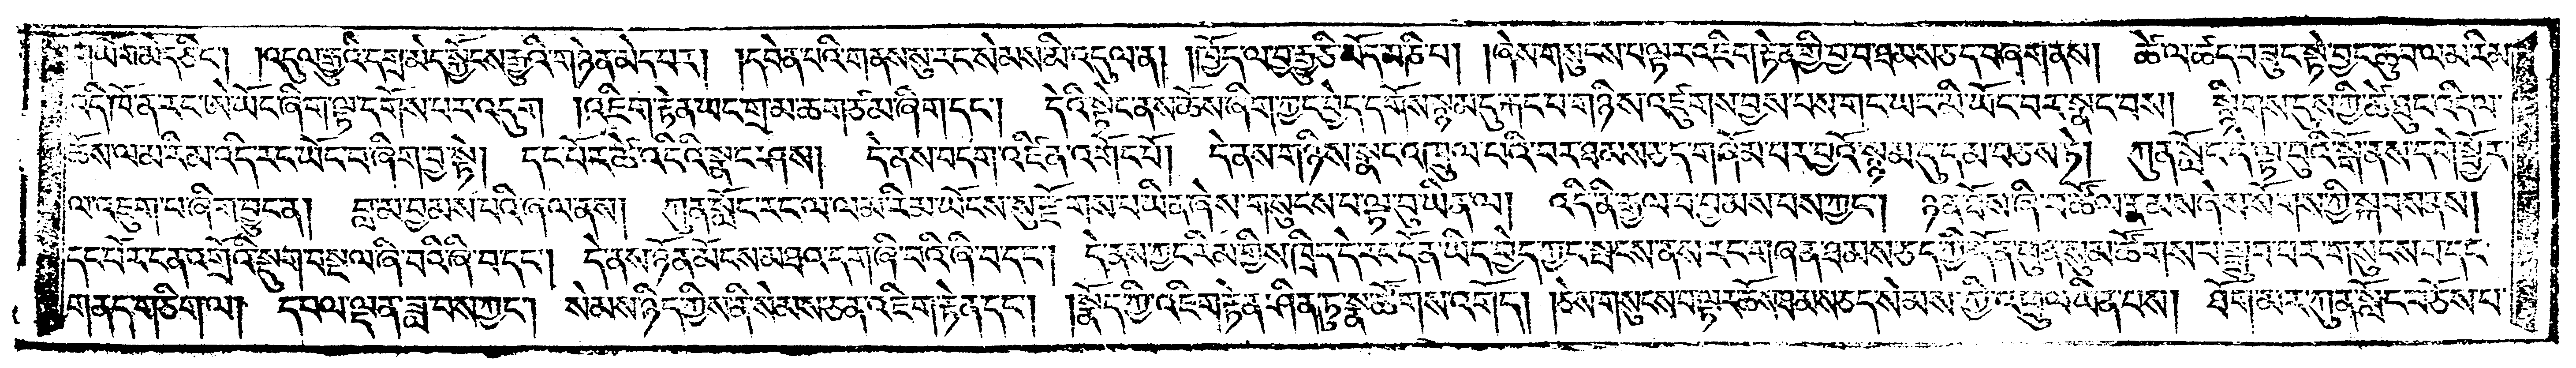གཡོག་མེད་ཅིང་། །འདུལ་རྒྱུའི་དགྲ་མེད་སྐྱོངས་རྒྱུའི་གཉེན་མེད་པར། །དབེན་པའི་གནས་སུ་རང་སེམས་མི་འདུལ་ན། །ཁྱོད་ལ་བྱ་རྒྱུ་ཅི་ཡོད་མ་ཎི་པ། །ཞེས་གསུངས་པ་ལྟར་འཇིག་རྟེན་གྱི་བྱ་བ་ཐམས་ཅད་བཞག་ནས། ཚེ་ལ་ཚད་བཟུང་སྟེ་བྱང་ཆུབ་ལམ་རིམ་
འདི་ཁོ་ན་རང་ཨེ་ཡོང་ཞིག་ལྟ་དགོས་པར་འདུག །འཇིག་རྟེན་ཡང་གྲམ་ཆག་ཙམ་ཞིག་དང་། དེའི་སྟེང་ནས་ཆོས་ཞིག་ཀྱང་བྱེད་དགོས་སྙམ་དུ་རྐང་པ་གཉིས་འཛུགས་བྱས་པས་གང་ཡང་མི་ཡོང་བར་སྣང་བས། སྙིགས་དུས་ཀྱི་ཚེ་ཐུང་འདི་ལ་
ཆོས་ལམ་རིམ་འདི་རང་ཡོང་བ་ཞིག་བྱ་སྟེ། དང་པོར་ཚེ་འདིའི་སྣང་ཤས། དེ་ནས་བདག་འཛིན་འགོད་པོ། དེ་ནས་གཉིས་སྣང་འཁྲུལ་པའི་བར་ཐམས་ཅད་གཞོམ་པར་བྱའོ་སྙམ་དུ་དམ་བཅས་ཏེ། ཀུན་སློང་དེ་ལྟ་བུའི་སྒོ་ནས་དགེ་སྦྱོར་
ལ་འཇུག་པ་ཞིག་བྱུང་ན། བླ་མ་བྱམས་པའི་ཞལ་ནས། ཀུན་སློང་རང་ལ་ལམ་རིམ་ཡོངས་སུ་རྫོགས་པ་ཡིན་ཞེས་གསུངས་པ་ལྟ་བུ་ཡིན་ལ། འདི་ནི་རྒྱལ་བ་བྱམས་བས་ཀྱང་། ཉན་ཐོས་ཞི་བ་ཚོལ་རྣམས་ཞེས་སོགས་ཀྱི་སྐབས་ནས།
དང་པོར་ངན་འགྲོའི་སྡུག་བསྔལ་ཞི་བའི་ཞི་བ་དང་། དེ་ནས་ཉོན་མོངས་མཐའ་དག་ཞི་བའི་ཞི་བ་དང་། དེ་ནས་ཀྱང་རིམ་གྱིས་ཁྲིད་དེ་རང་དོན་ཡིད་བྱེད་ཀྱང་སྤངས་ནས་རང་གཞན་ཐམས་ཅད་ཀྱི་དོན་ཕུན་སུམ་ཚོགས་པ་སྒྲུབ་པར་གསུངས་པ་དང་
གནད་གཅིག་ལ། དཔལ་ལྡན་ཟླ་བས་ཀྱང་། སེམས་ཉིད་ཀྱིས་ནི་སེམས་ཅན་འཇིག་རྟེན་དང་། །སྣོད་ཀྱི་འཇིག་རྟེན་ཤིན་ཏུ་སྣ་ཚོགས་འགོད། །ཅེས་གསུངས་པ་ལྟར་ཆོས་ཐམས་ཅད་སེམས་ཀྱི་འཕྲུལ་ཡིན་པས། ཐོག་མར་ཀུན་སློང་བཅོས་པ་